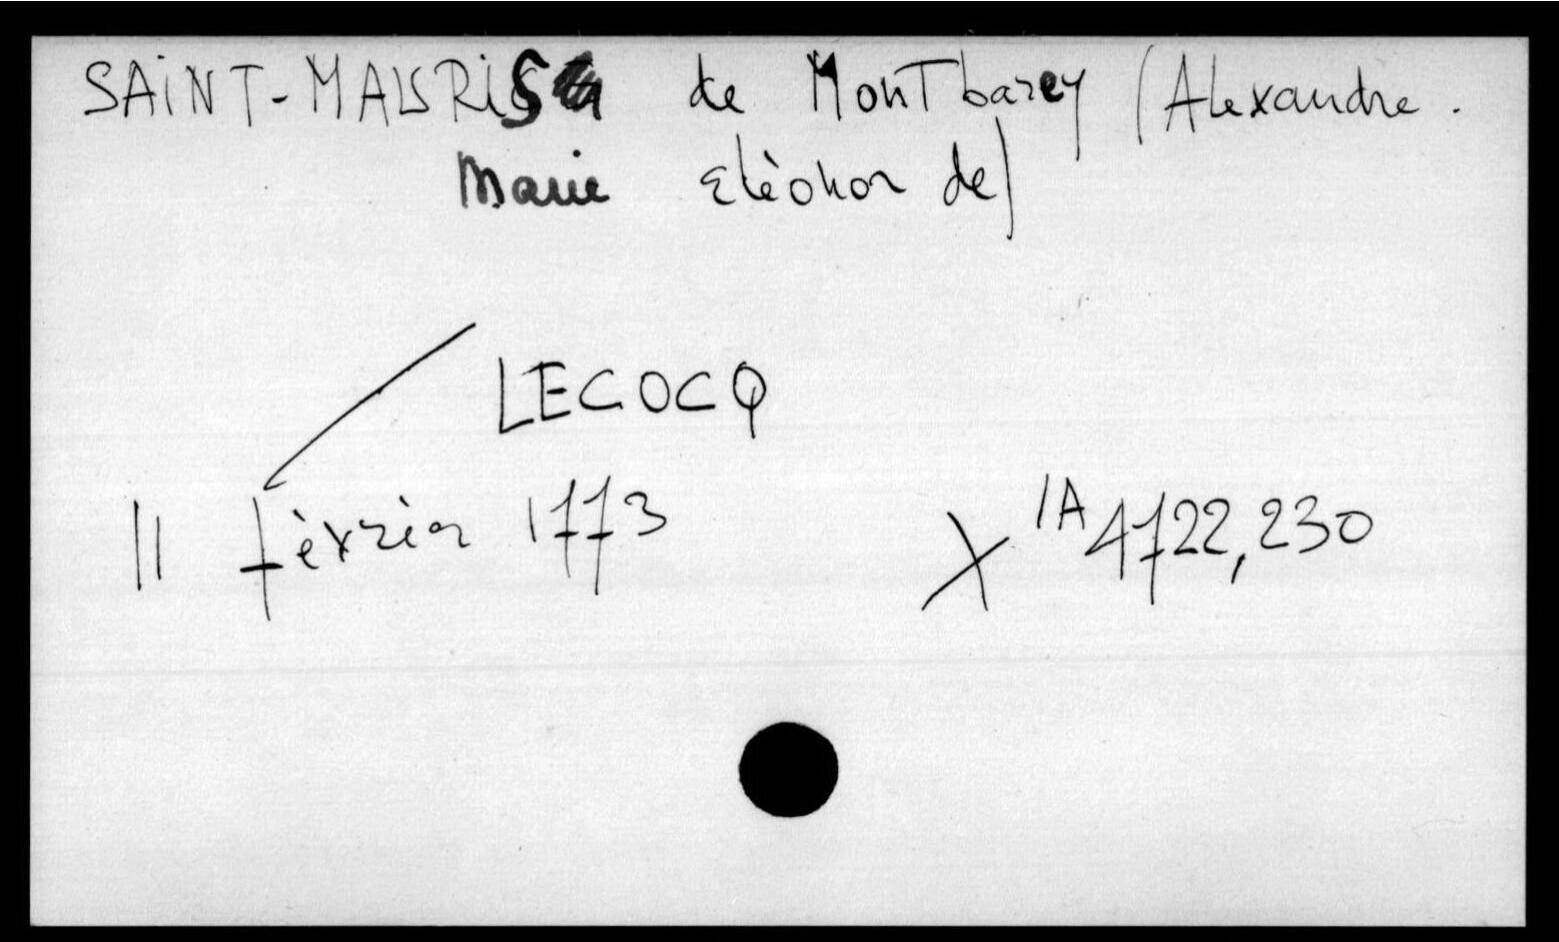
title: SAINT-MAURIS de Montbarey (Alexandre Marie Eléonor de)
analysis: Contre LECOCQ
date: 11 février 1773
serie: X1A
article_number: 4722
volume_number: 230
